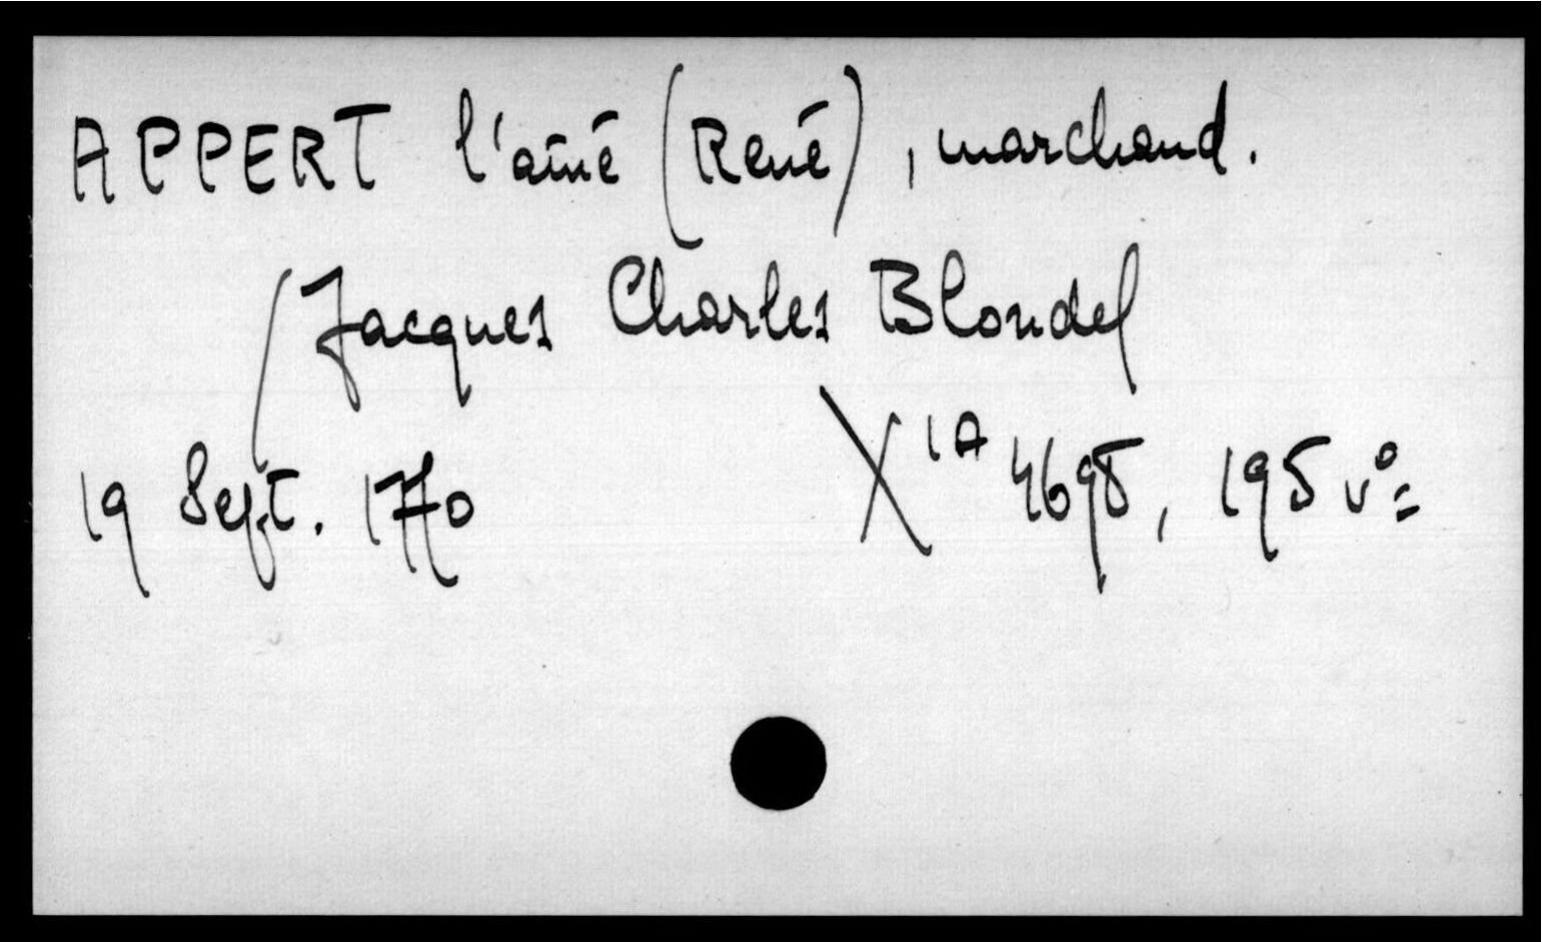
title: APPERT l'aîne (René), marchand
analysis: Contre Jacques Charles Blondel
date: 19 septembre 1770
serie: X1A
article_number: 4698
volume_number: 195v
